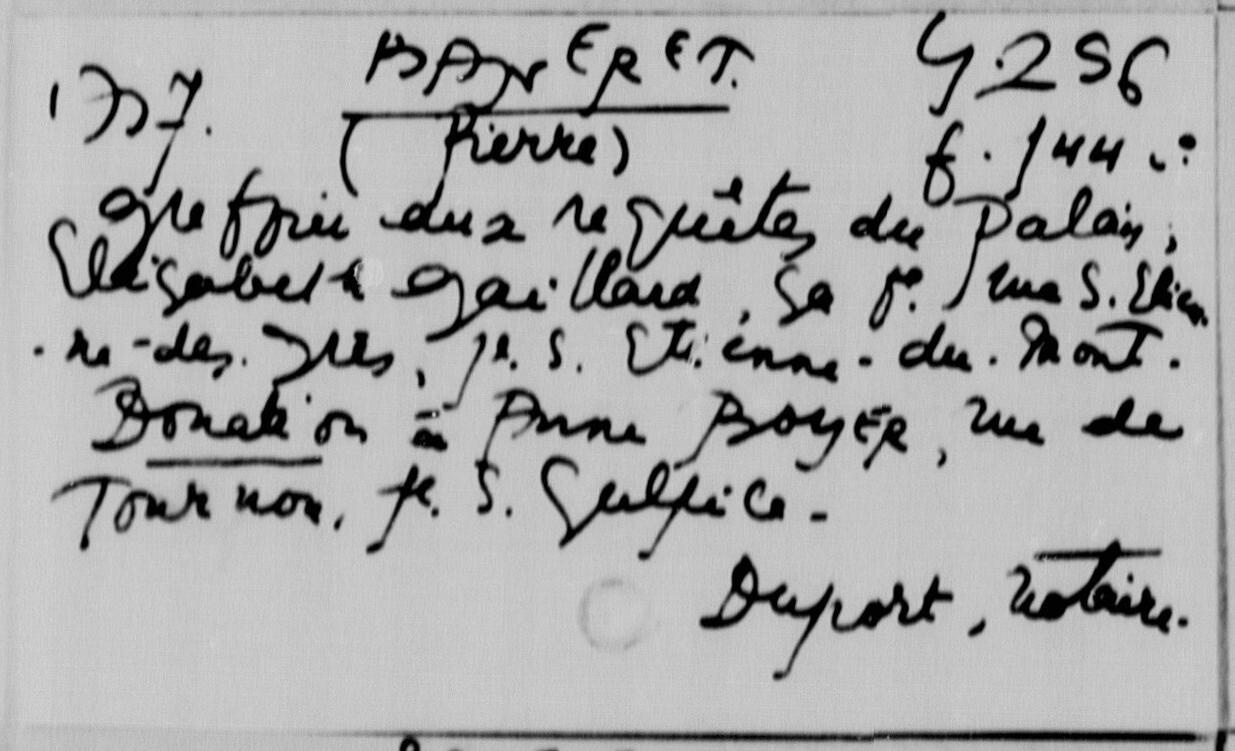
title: BANERET (Pierre)
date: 1707
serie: Y
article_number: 256
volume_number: folio 144v
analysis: Greffier aux requêtes du Palais, Elisabeth GaILLARD, sa femme, rue Saint-Etienne-des-Grès, paroisse Saint-Étienne-du-Mont. Donation à Anne BOYER, rue de Tournon, paroisse Saint-Sulpice. Duport, notaire.
